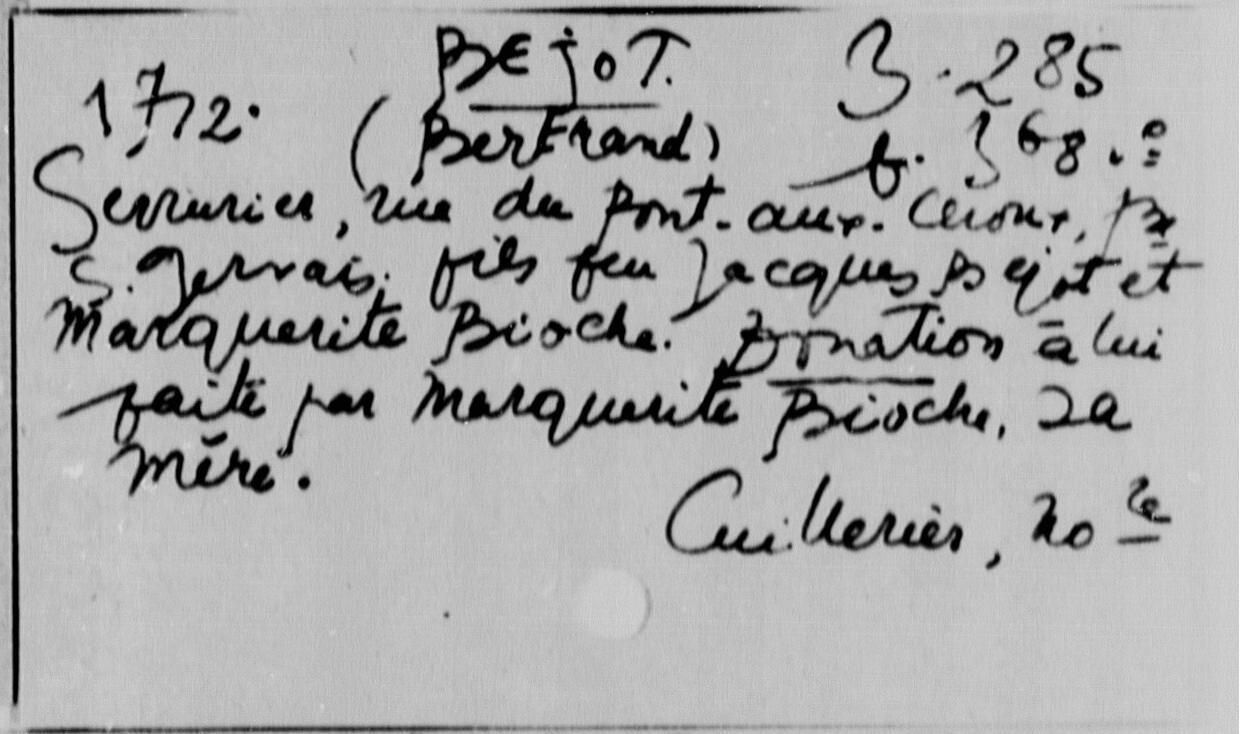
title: BEJOT (Bertrand)
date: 1712
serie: Y
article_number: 285
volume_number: fol. 368v
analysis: Serrurier, rue du Pont-aux-Choux, paroisse Saint Gervais, fils feu Jacques Bejot et Marguerite Bioche Donation à lui faite par Marguerite Bioche, sa mère. Cuillerier, notaire
